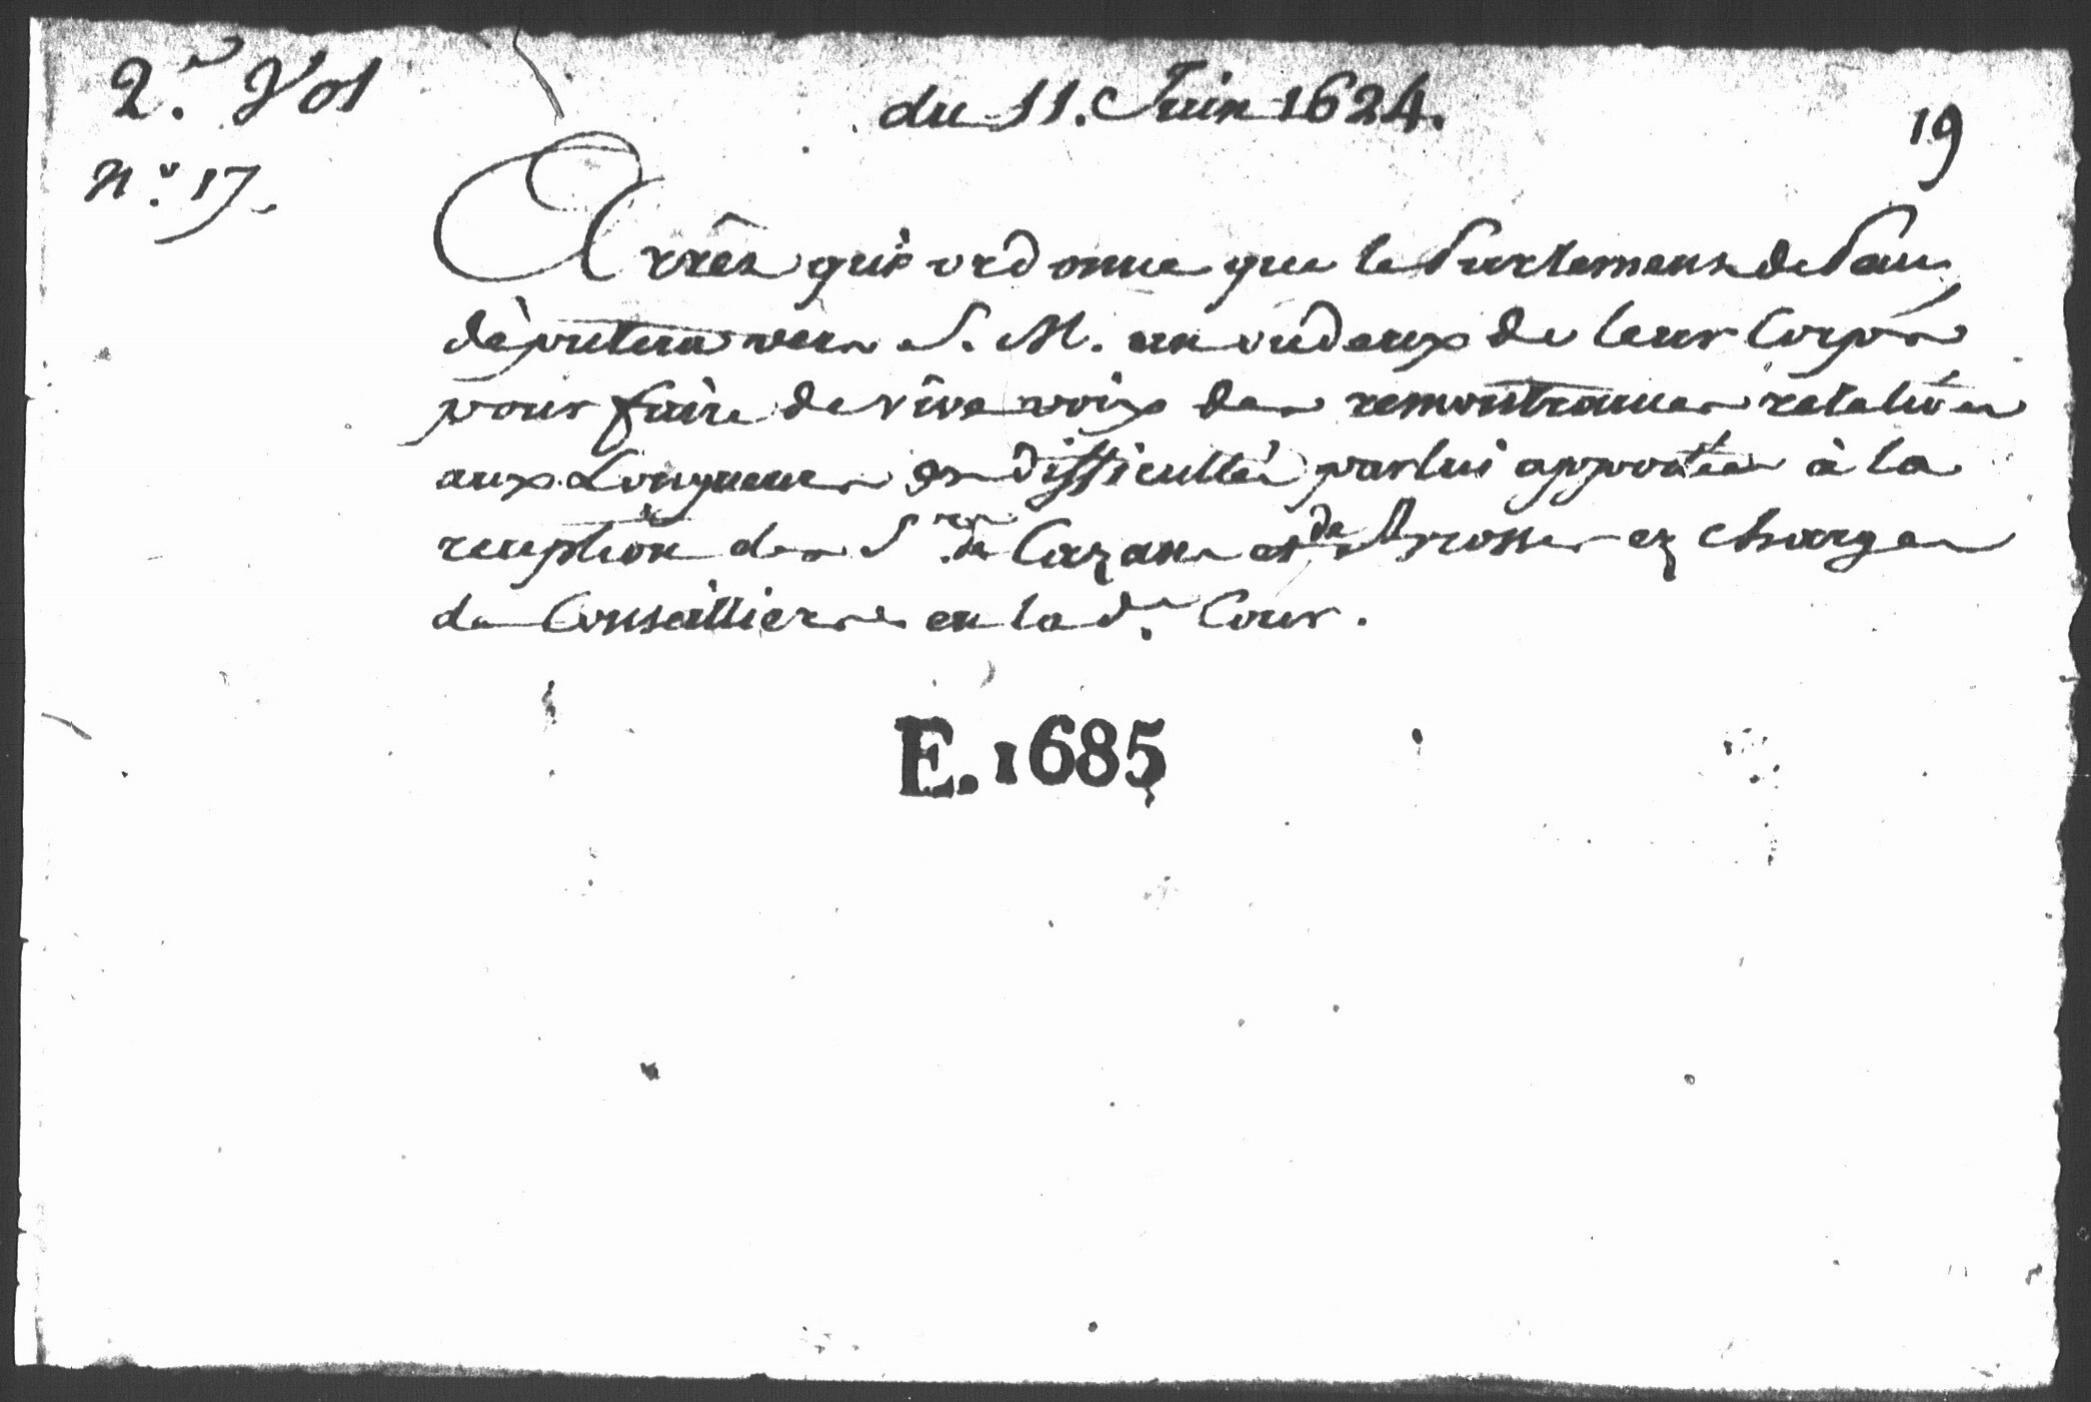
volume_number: n°17
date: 11 juin 1624
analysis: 19
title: Arrêt qui ordonne que le Parlement de Pau députera vers S. M. un ou deux de leur corps pour faire de vive voix des remontrances relatives aux longueurs et difficultés par lui apportées à la reception des Srs de Cazan et de Brosses ez charges de conseilliers en lad.e Cour.
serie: E
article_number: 1685
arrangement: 2e vol
